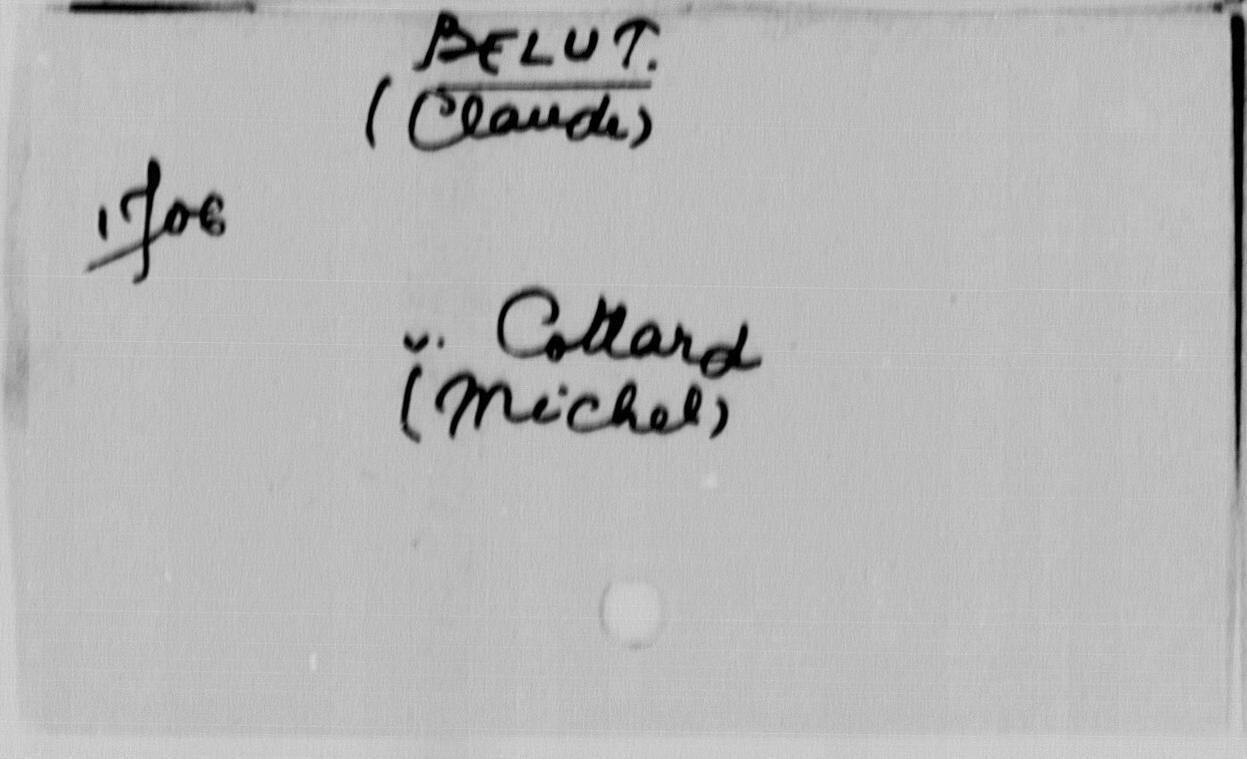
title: BELUT (Claude)
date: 1706
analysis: Voir COLLARD (Michel)
